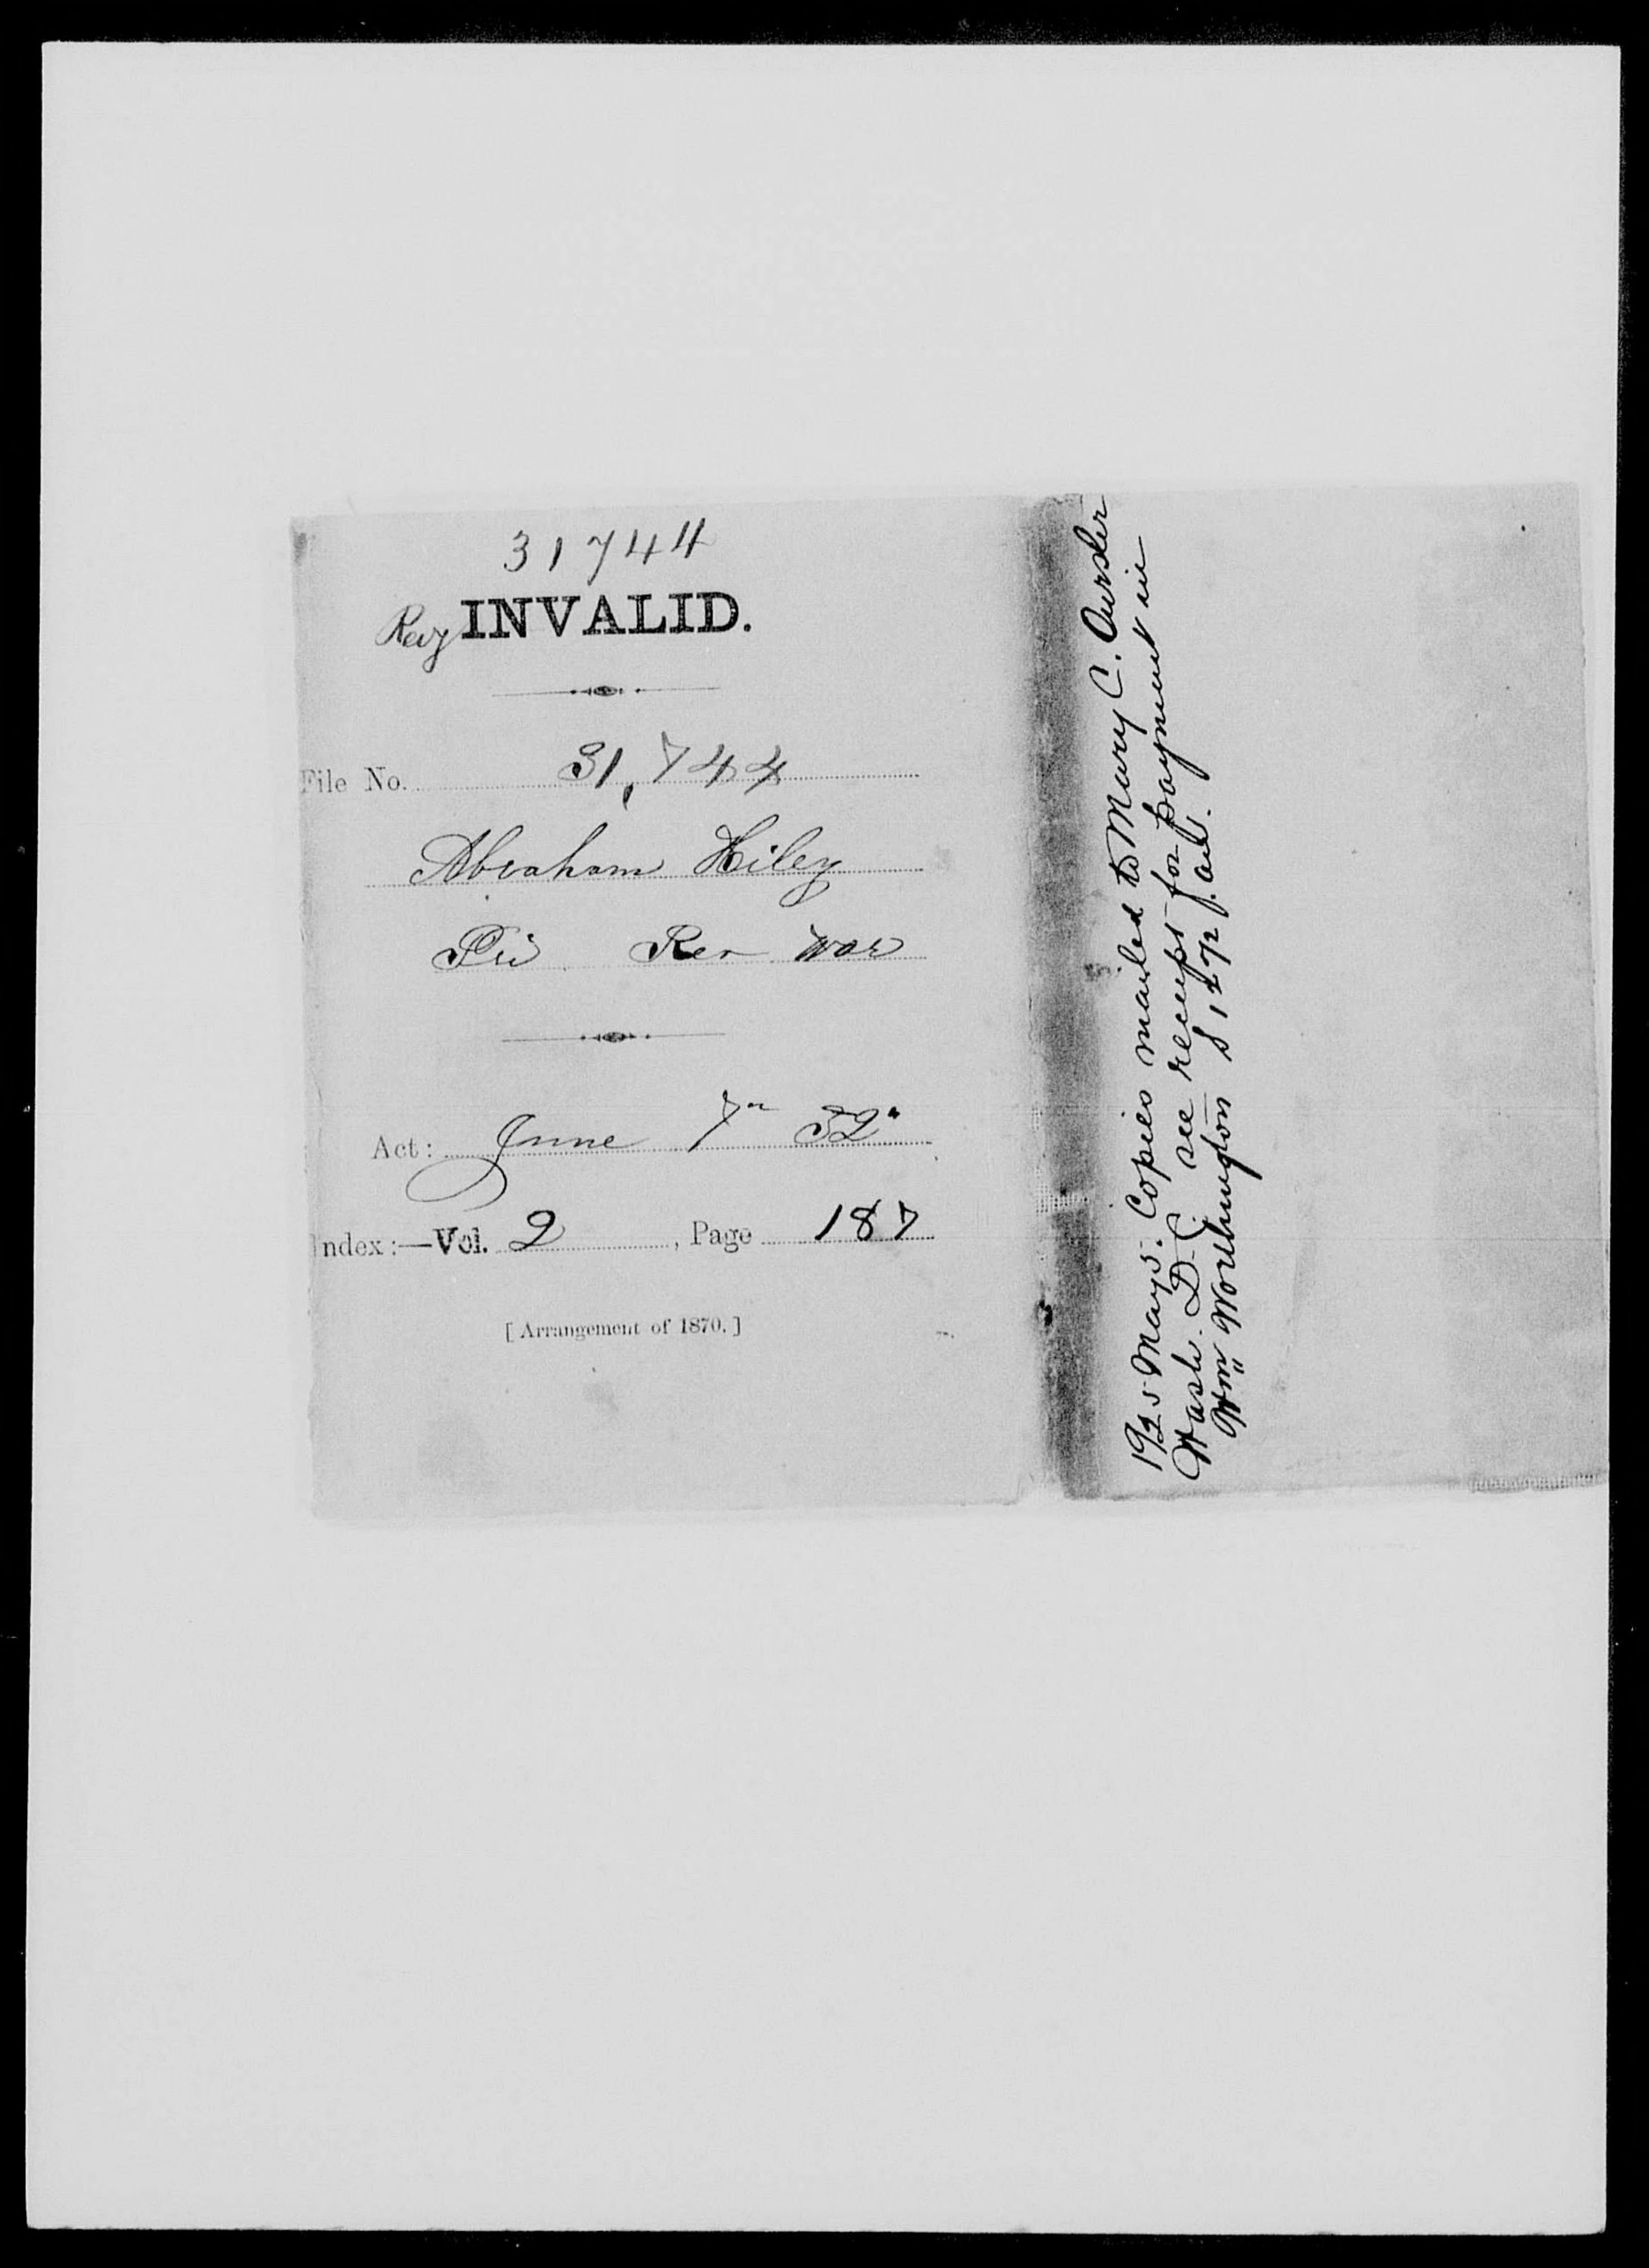[left side of page]

31744
Revy INVALID

File No. 31744
Abraham Hiley
Priv Rev War

Act:  June 7 32

Index: --Vol. 2, Page 187

[Arrangement of 1870]

[Right side of page]
192 May 5.  Copies mailed to Mary C. Oursler
Wash. D. C.  see receipt for payment in
Wm Worthington  S1272. aut.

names: Mary C Oursler, Abraham Hiley, Wm Worthington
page: 13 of 18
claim: survivor's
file: S. 31744, Abraham Hiley, Penn.